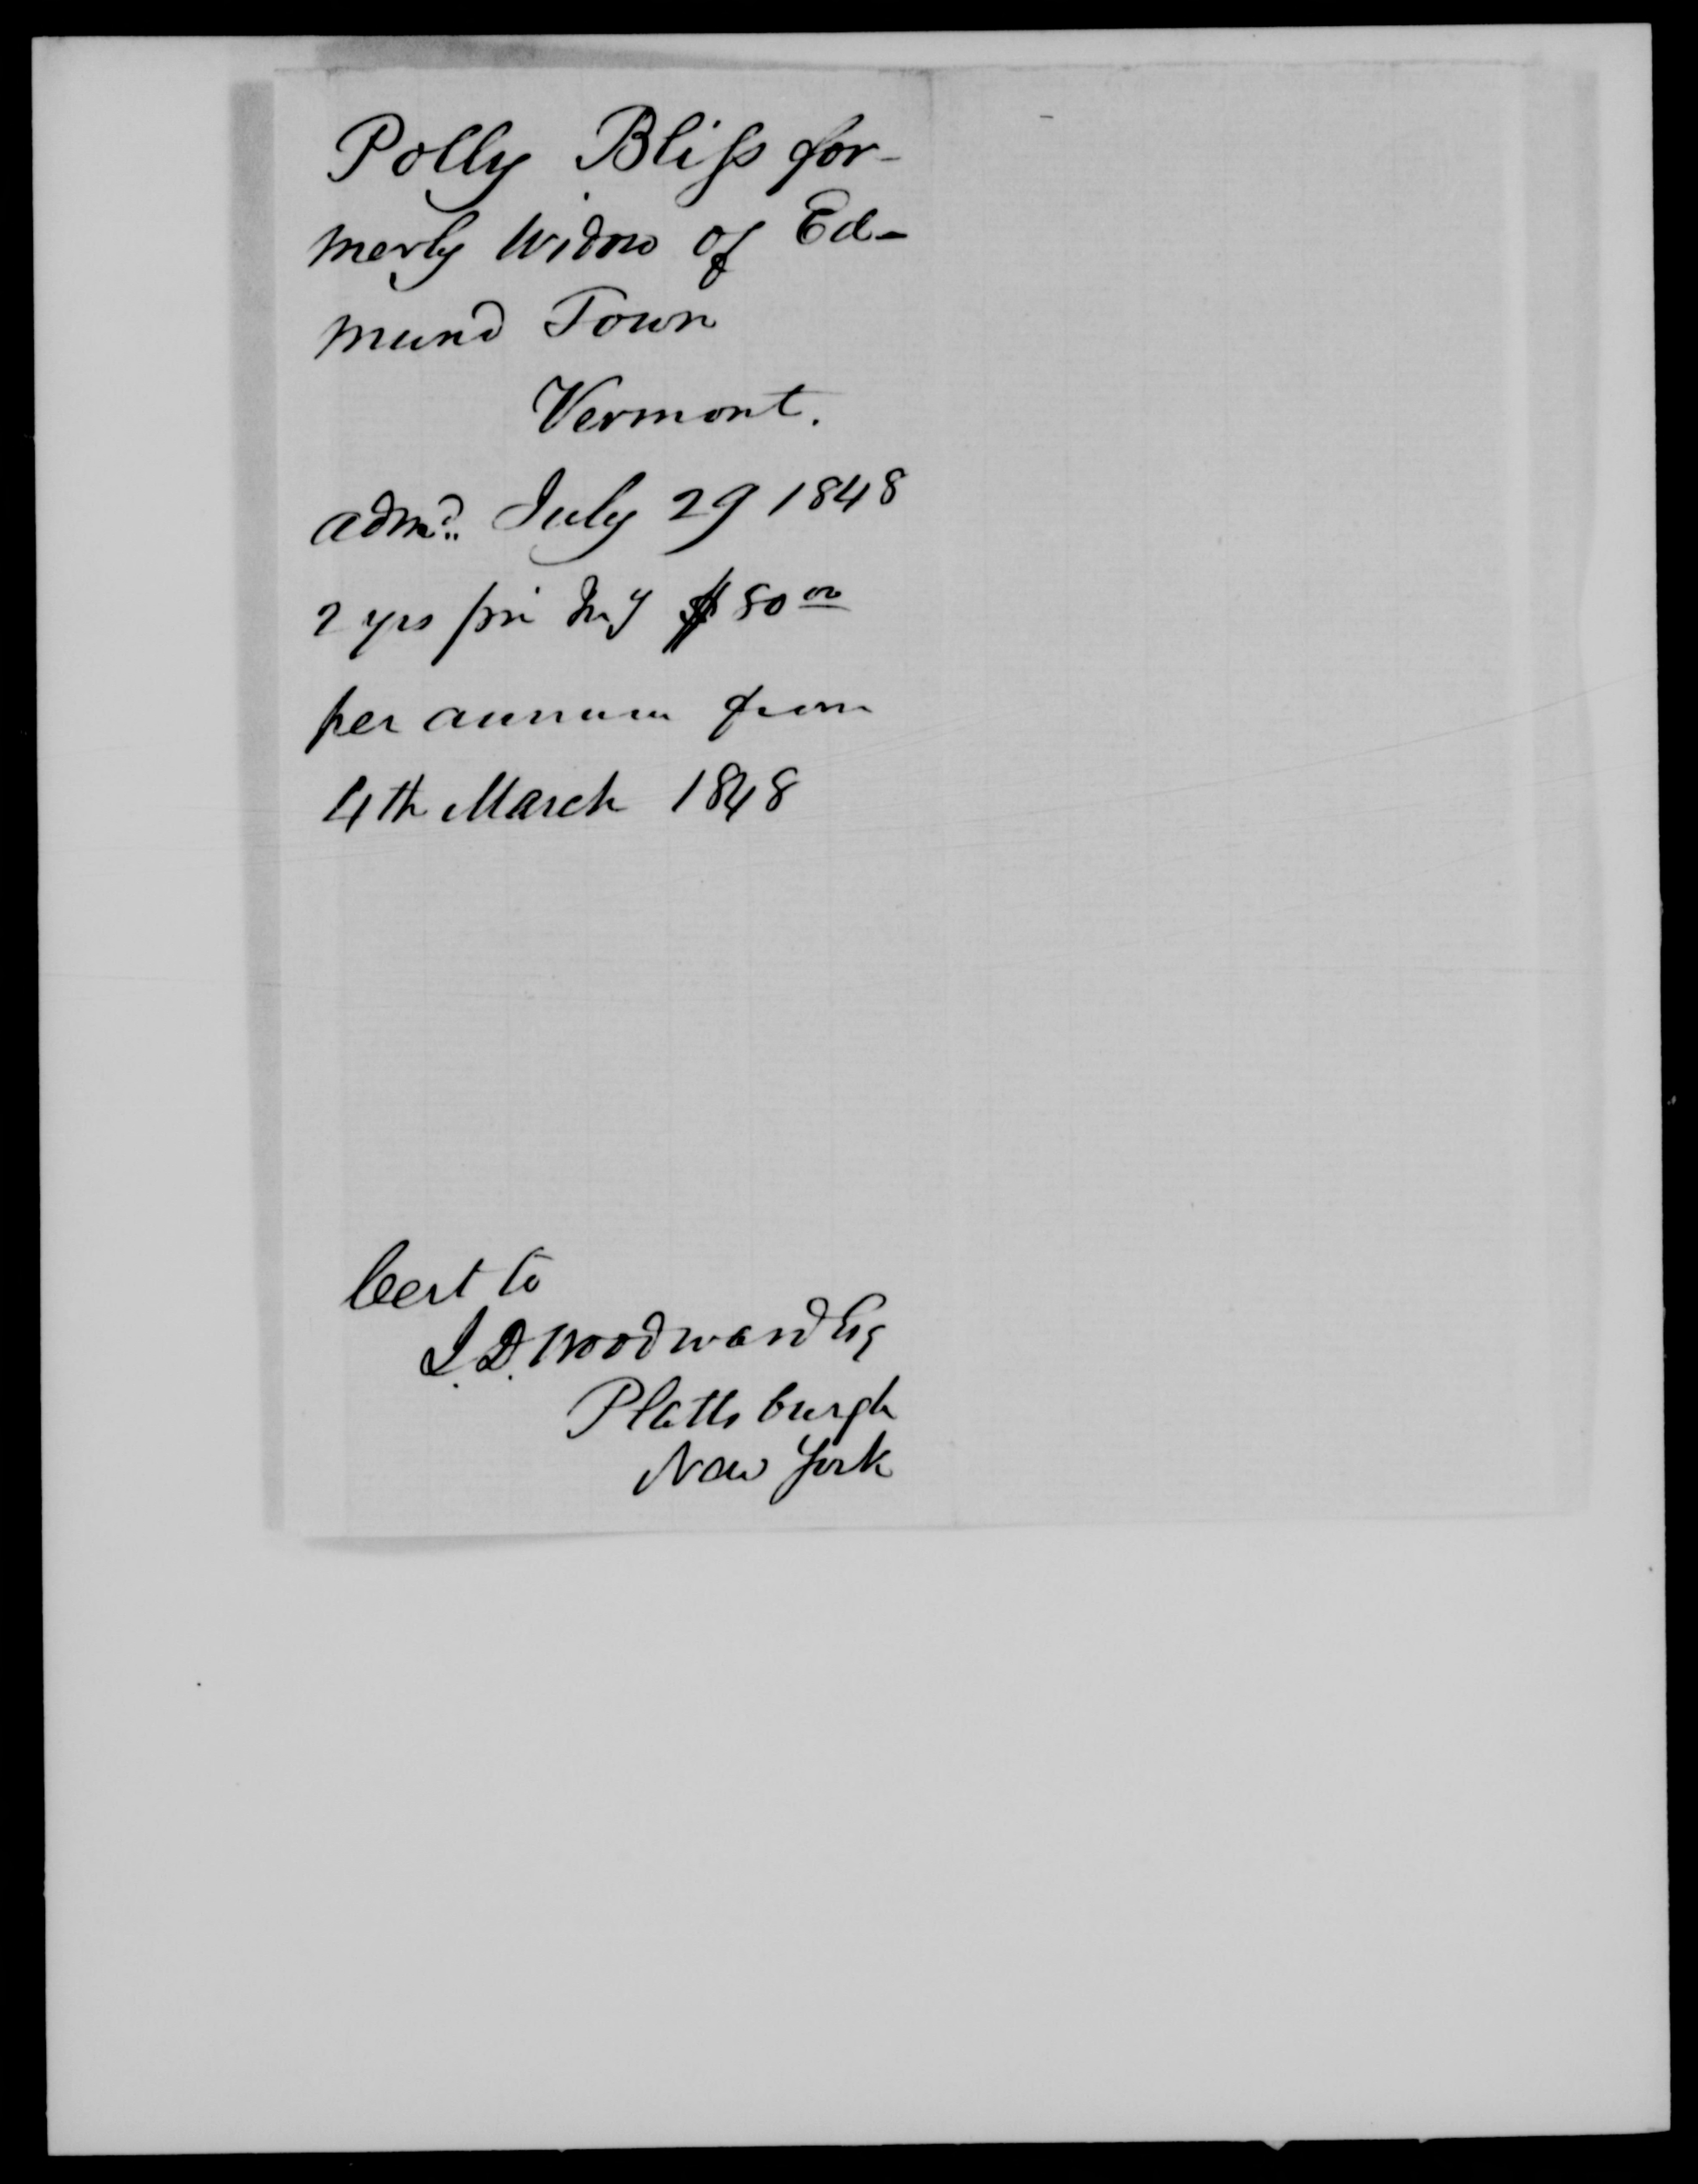Polly Bliss formerly widow of Edmund Town
Vermont
adm. July 29, 1848
2 yrs pri N.Y. $80.00
per annum from
4th March 1848

Cert. to
J. D. Woodward
Plattsburgh
New York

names: Edmund Town, Polly Bliss, J D Woodward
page: 33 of 64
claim: widow's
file: W. 5831, Edmund Town, Mass.